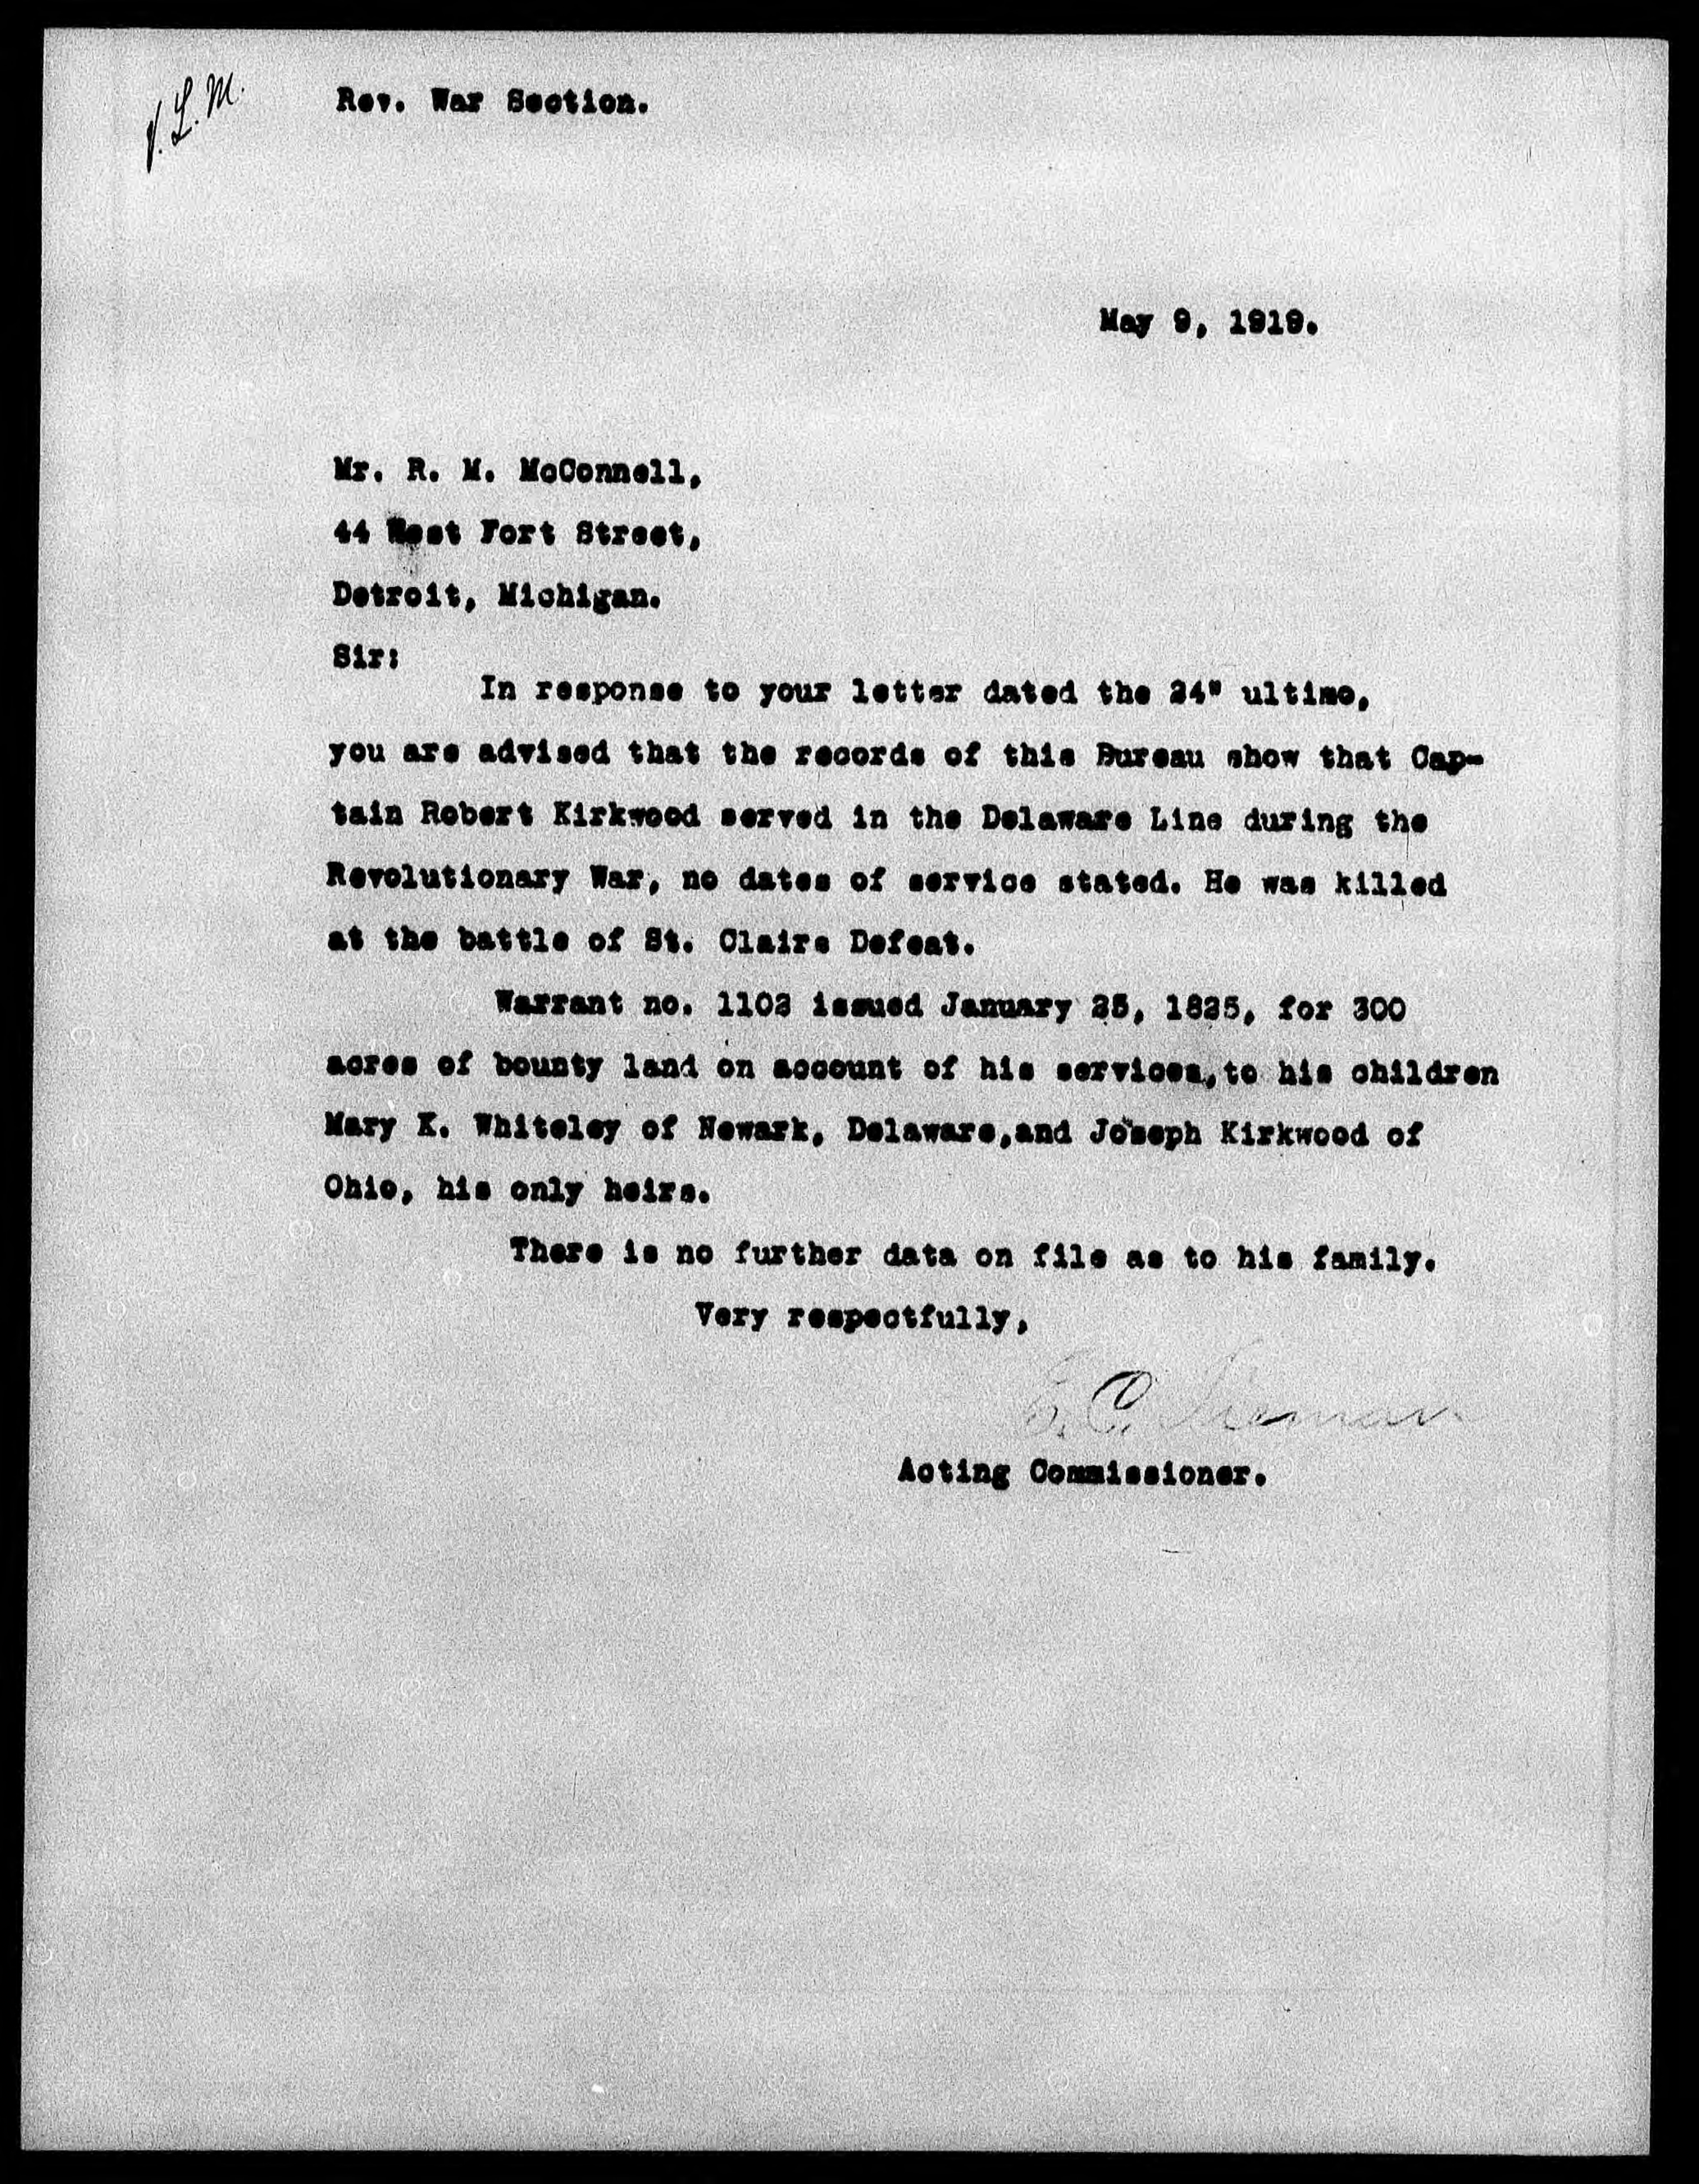Rev. War Section
May 9, 1919.
Mr. R. M. McConnell,
44 West Fort Street,
Detroit, Michigan.
Sir:
In response to your letter dated the 24th ultimo,
you are advised that the records of this Bureau show that Captain
Robert Kirkwood served in the Delaware Line during the
Revolutionary War, no dates of service stated. He was killed
at the battle of St. Clairs Defeat.
Warrant No. 1102 issued January 25, 1825, for 300
acres of bounty land on account of his services, to his children
Mary K. Whitely of Newark, Delaware, and Joseph Kirkwood of
Ohio, his only heirs.
There is no further data on file as to his family.
Very respectfully,
E. C. Freman [signature]
Acting Commissioner.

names: Joseph Kirkwood; E C Freman; Mary K Whiteley; Robert Kirkwood; R M Mc Connell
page: 20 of 20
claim: bounty land warrant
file: B. L. Wt. 1102-300, for Robert Kirkwood, Delaware